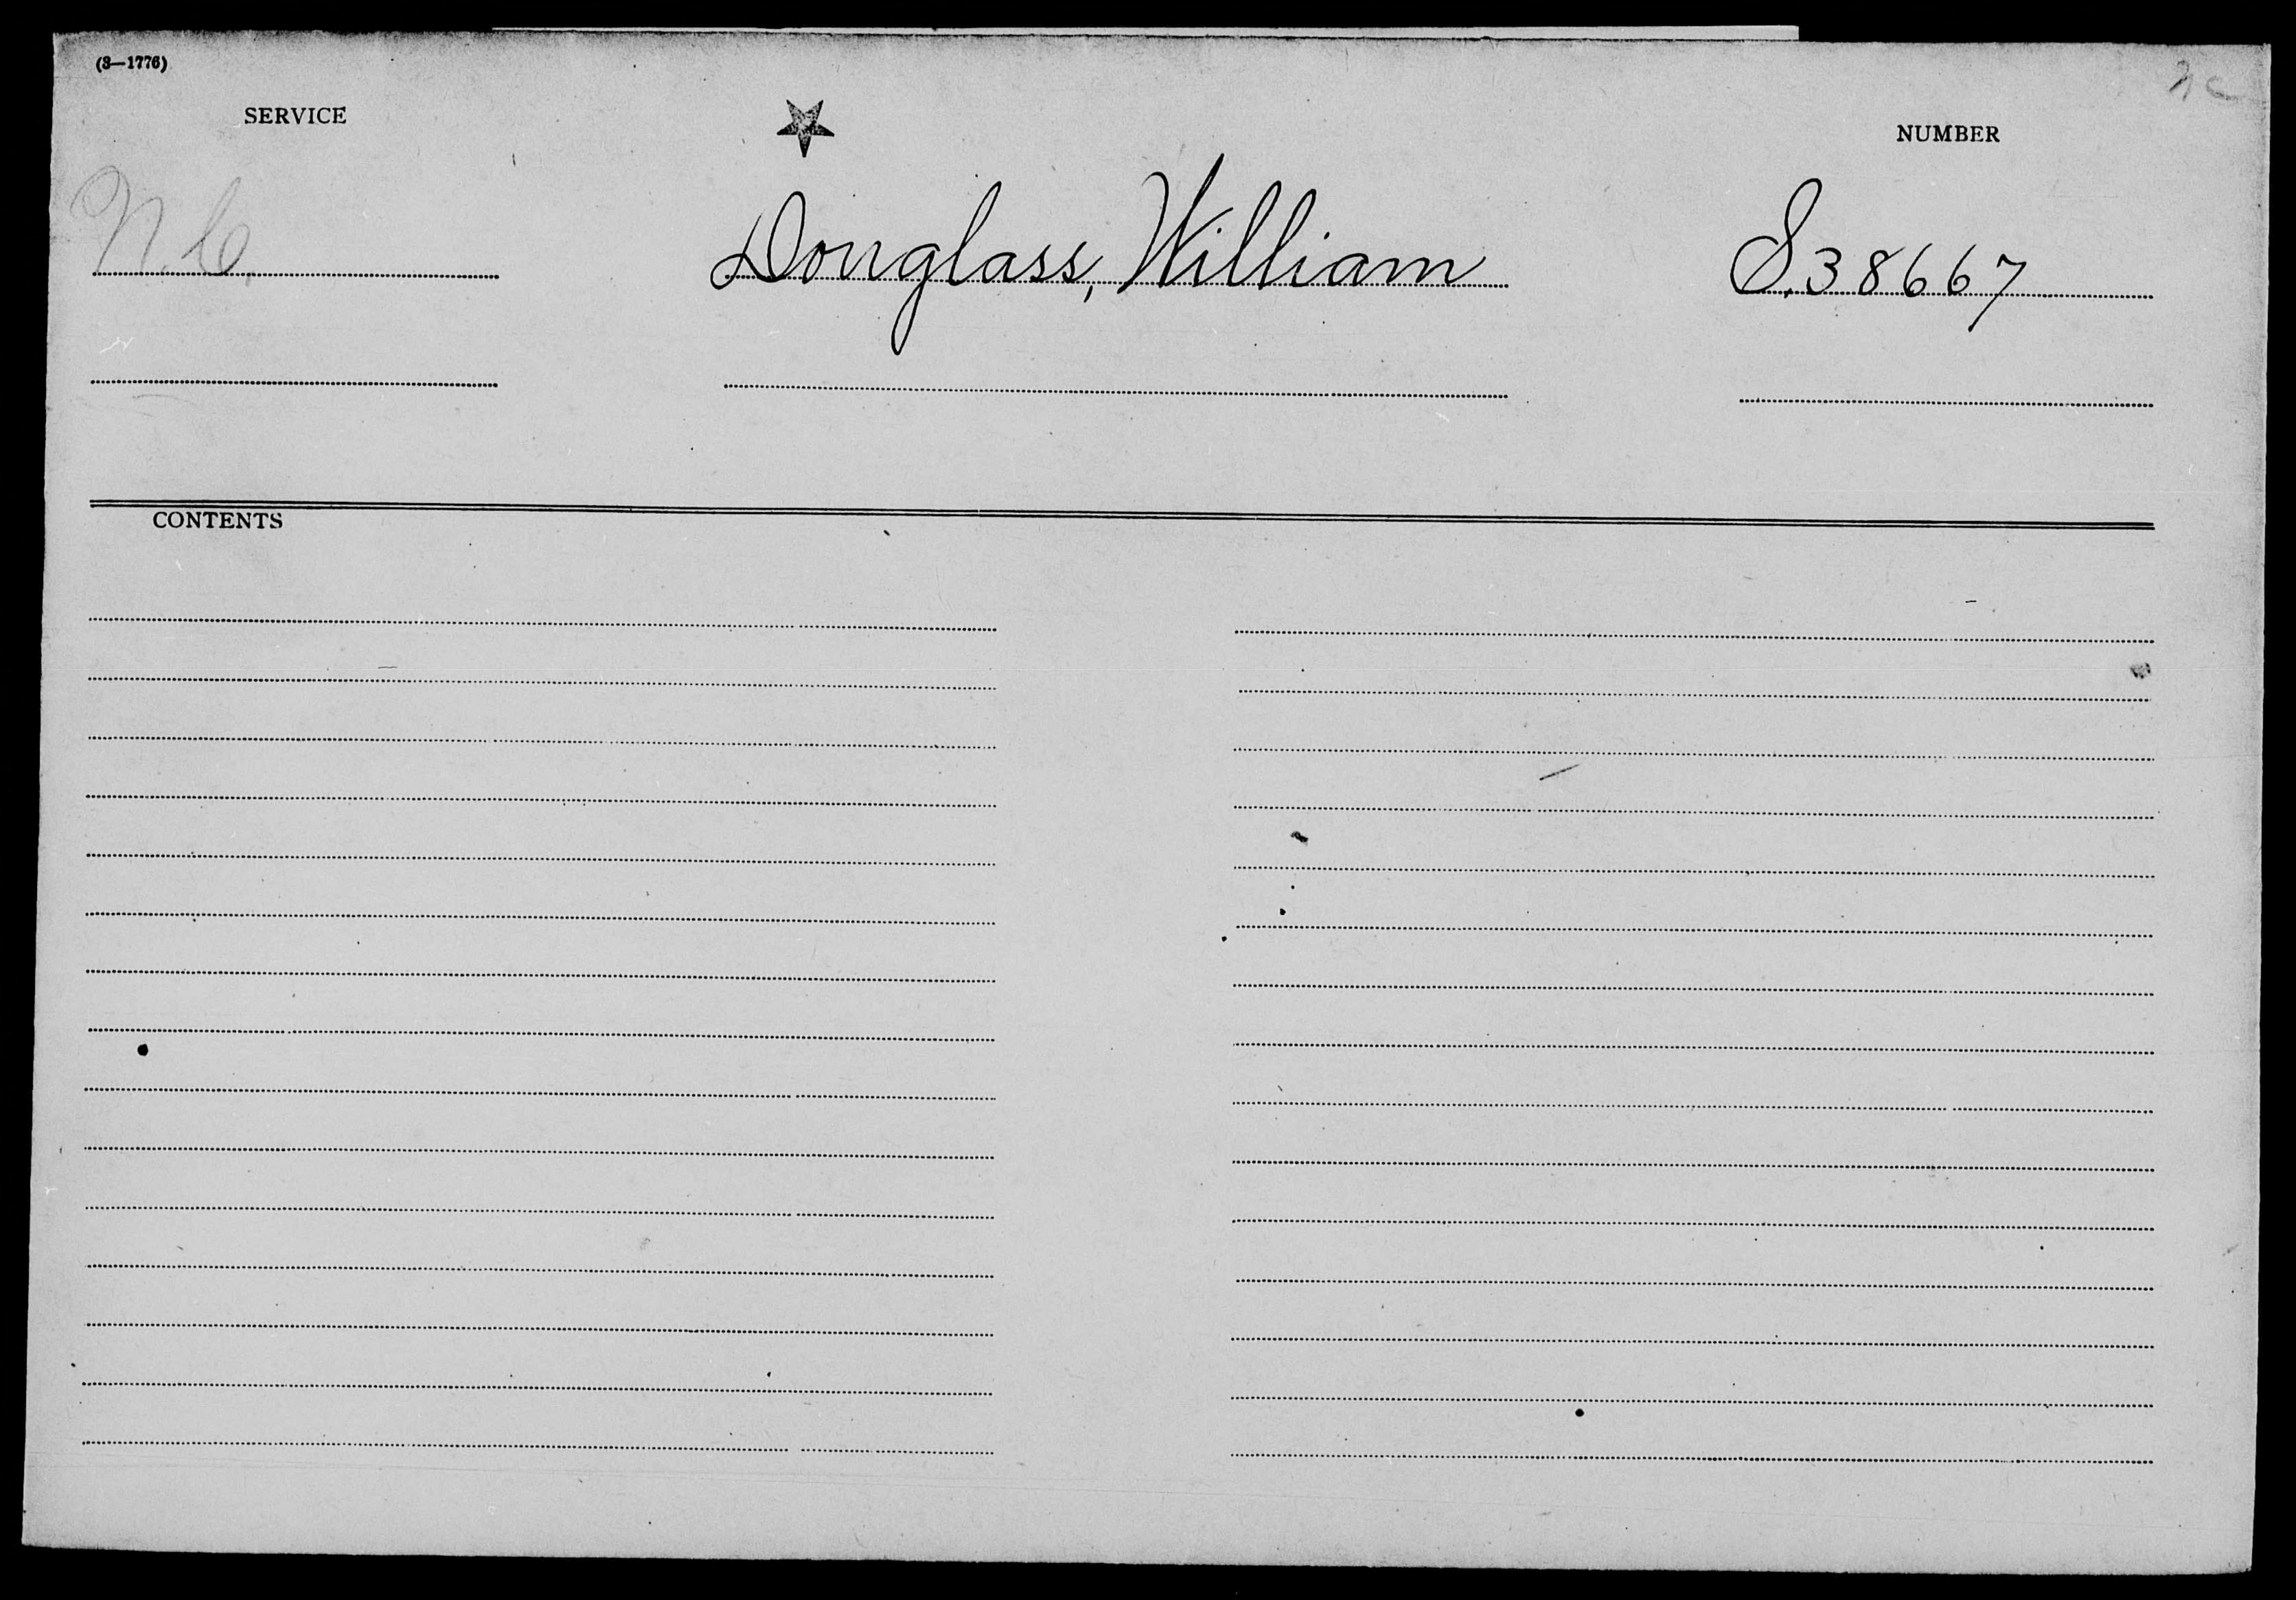(3 - 1776)
SERVICE                 *                             Number
N.C.            Douglass, William             S. 38667
___________________________
CONTENTS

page: 1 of 7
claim: survivor's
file: S. 38667, William Douglass, N.C.